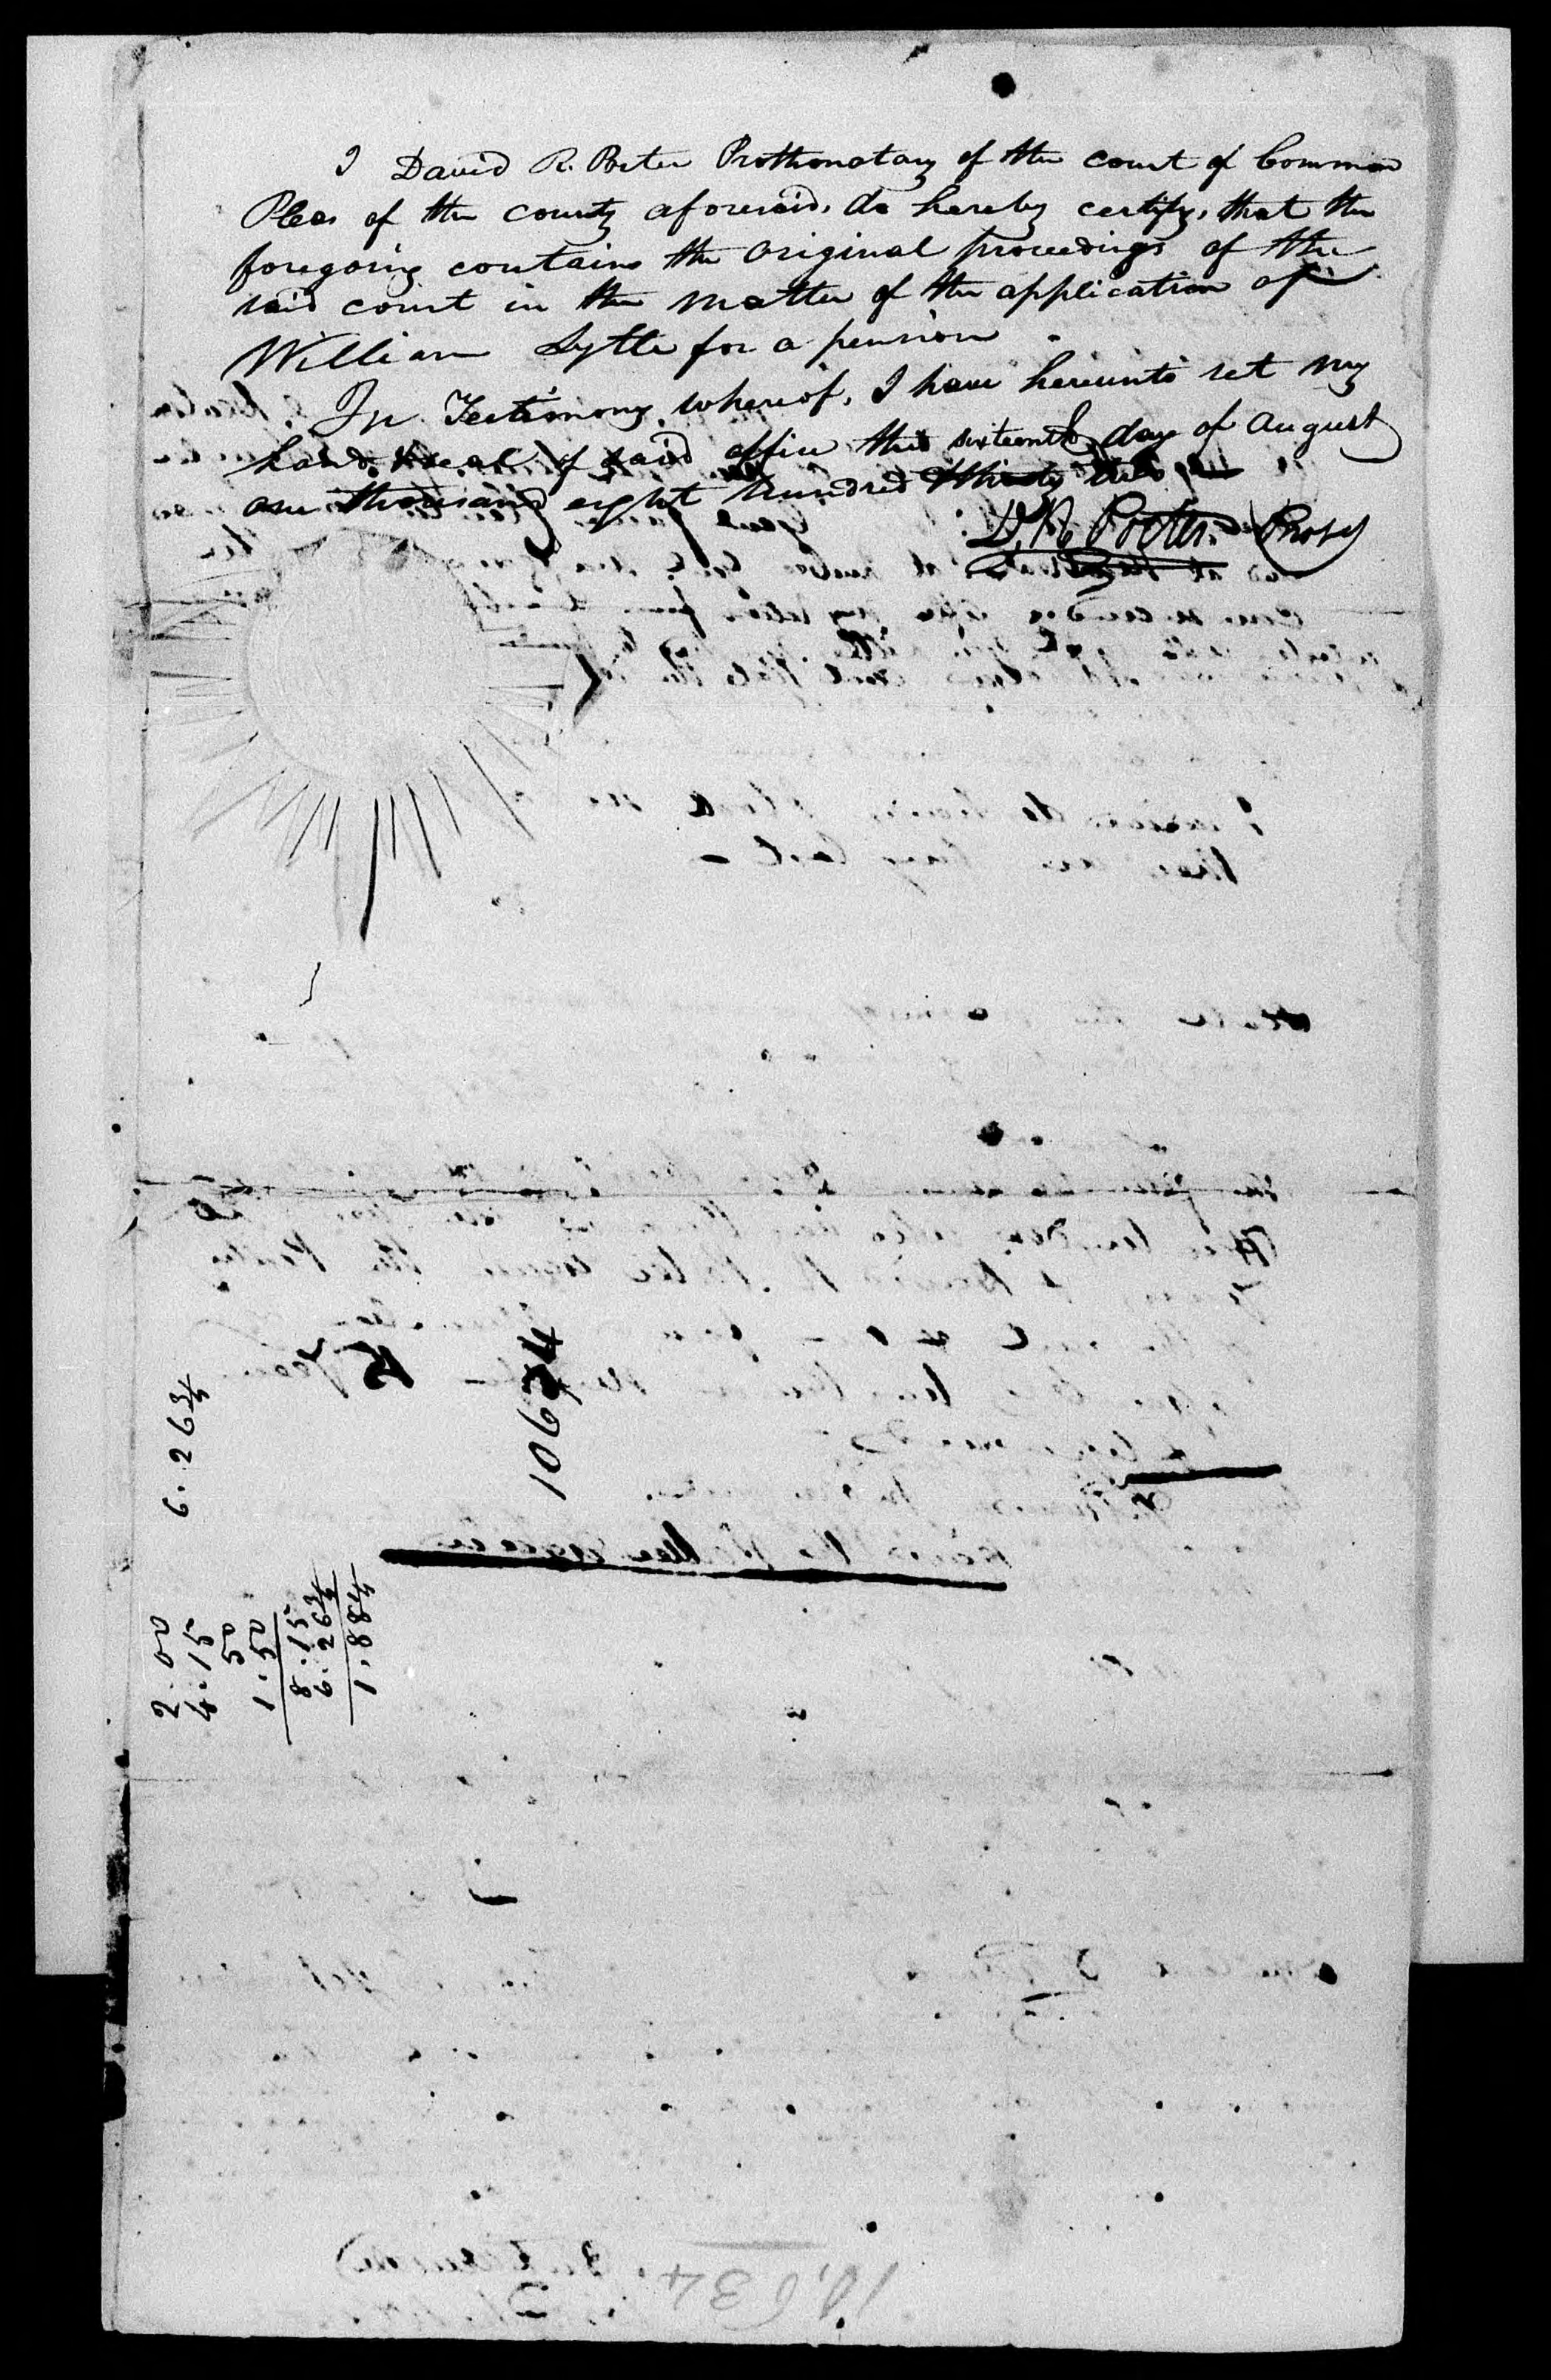I David R. Porter Prothonotary of the Court of Common Pleas of the County aforesaid do hereby certify, that the foregoing contains the original proceedings of the said court in the matter of the application of William Lytle for a pension.
In Testimony whereof, I have hereunto set my
hand & seal of said Office this sixteenth day of August one thousand eight hundred thirty two.

D R Porter Prot'y

10624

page: 8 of 24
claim: survivor's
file: S. 13810, for William Lytle, New York